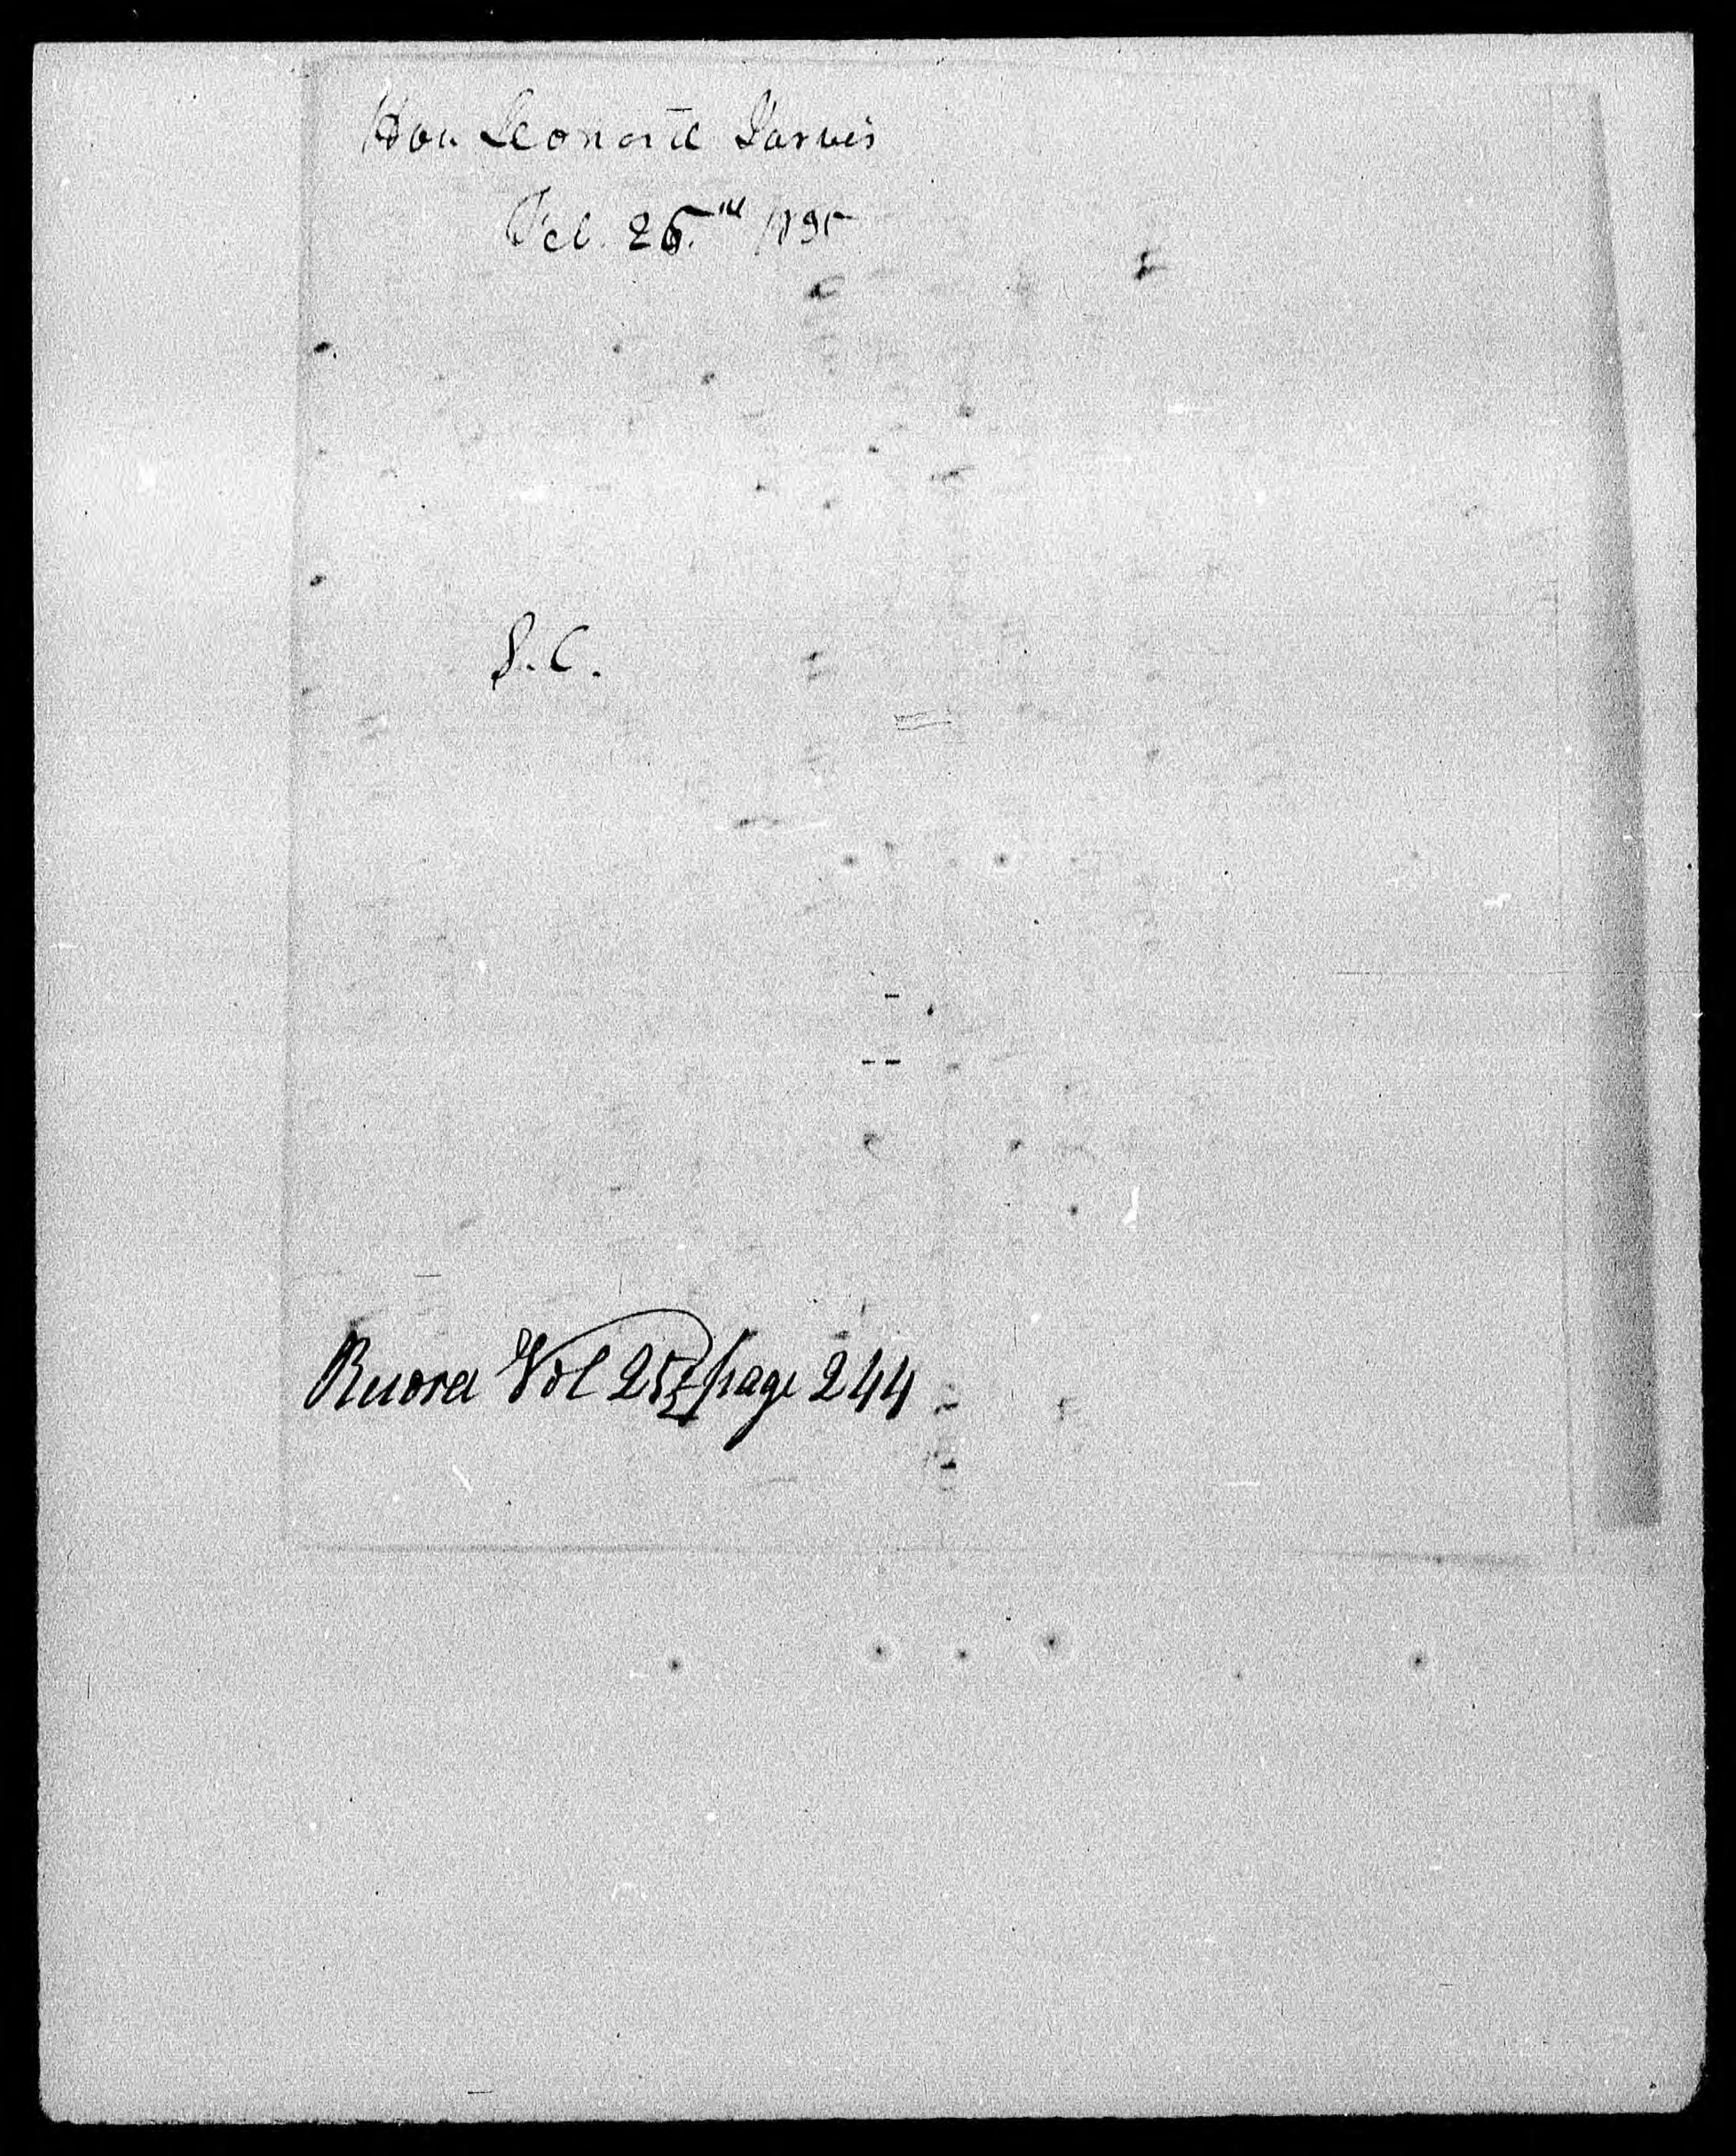(illegible) Leonard James
Dec 25th 1885
(illegible) page 244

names: Leonard Jarvis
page: 44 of 52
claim: survivor's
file: S 17997, Nicholas Hawwawas, Mass.